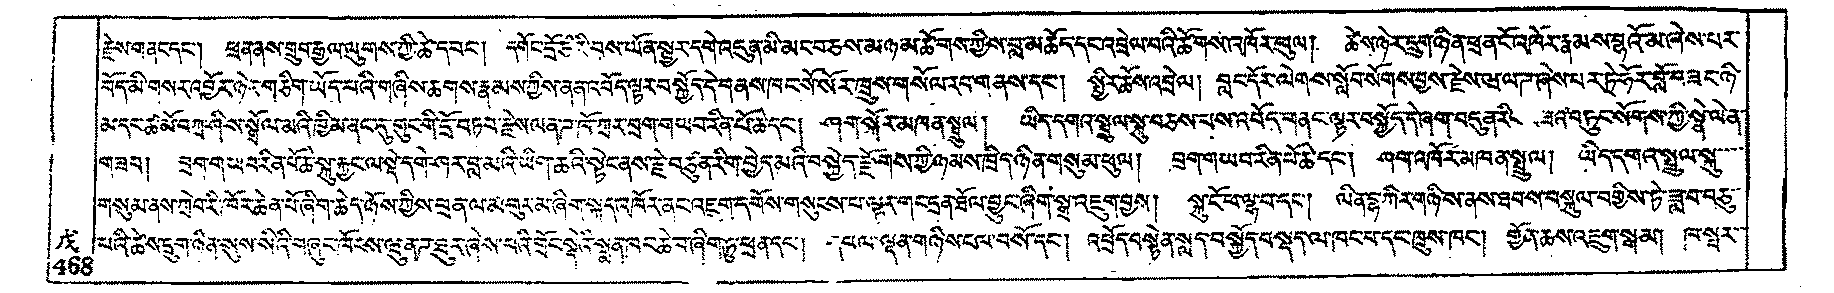རྗེས་གནང་དང་། ཕྲན་ནས་གྲུབ་རྒྱལ་ལུགས་ཀྱི་ཚེ་དབང་། དགོང་དྲོ་ཙ་རི་བས་ཡོན་སྦྱར་དགེ་འདུན་མི་མང་བཅས་མཉམ་ཚོགས་ཀྱིས་བླ་མཆོད་དང་འབྲེལ་བའི་ཚོགས་འཁོར་ཕུལ། ཚེས་ཉེར་དྲུག་ཉིན་ཕྲན་ངོ་འཁོར་རྣམས་བྷའོ་མ་ཞེས་པར་
བོད་མི་གསར་འབྱོར་ཉེར་གཅིག་ཡོད་པའི་གཞིས་ཆགས་རྣམས་ཀྱིས་ནན་འབོད་ལྟར་བསྐྱོད་དེ་གནས་ཁང་སོ་སོར་ཁྲུས་གསོལ་རབ་གནས་དང་། སྤྱིར་ཆོས་འབྲེལ། བླང་དོར་ལེགས་སློབ་སོགས་བྱས་རྗེས་ཝ་ལ་ཌ་ཞེས་པར་ཏྲེ་ཧོར་བློ་བཟང་ཉི་
མ་དང་ཚ་མོ་བཀྲ་ཤིས་སྒྲོལ་མའི་ཁྱིམ་ནང་དུ་གུང་གི་དྲོ་བཏབ་རྗེས་ལན་ཌ་ཁོ་ཀྲར་བྲག་གཡབ་རིན་པོ་ཆེ་དང་། ཤག་སྐོར་མཁན་སྤྲུལ། ཡིད་དགའ་སྤྲུལ་སྐུ་བཅས་པས་འབོད་གནང་ལྟར་བསྐྱོད་དེ་ཞག་བདུན་རིང་བཟའ་བཏུང་སོགས་ཀྱི་སྣེ་ལེན་
གཟབ། བྲག་གཡབ་རིན་པོ་ཆེ་སྐུ་རྐྱང་ལ་སྡེ་དགེ་ཤར་བླ་མའི་ཡིག་ཆའི་སྟེང་ནས་རྗེ་བཙུན་རིག་བྱེད་མའི་བསྐྱེད་རྫོགས་ཀྱི་ཉམས་ཁྲིད་ཉིན་གསུམ་ཕུལ། བྲག་གཡབ་རིན་པོ་ཆེ་དང་། ཤག་འཁོར་མཁན་སྤྲུལ། ཡིད་དགའ་སྤྲུལ་སྐུ་
གསུམ་ནས་ཀྲེབ་རི་ཁོར་ཆེན་པོ་ཞིག་ཆེད་ཉོས་ཀྱིས་ཕྲན་ལ་མགུར་མ་ཞིག་སྐད་འཁོར་ནང་འཇུག་དགོས་གསུངས་པ་ལྟར་གང་དྲན་ཐོལ་བྱུང་ཞིག་སྒྲ་འཇུག་བྱས། སྐུ་ངོ་ཕ་ལྷ་བ་དང་། ལིན་དྷ་ཀིར་གཉིས་ནས་ཐབས་བསྐུལ་བགྱིས་ཏེ་ཟླ་བ་བཅུ་
པའི་ཚེས་དྲུག་ཉིན་སུས་སིའི་གཞུང་ཁོངས་ཝུན་ཌ་ཐུར་ཞེས་པའི་གྲོང་སྡེའི་སྨན་ཁང་ཆེ་བ་ཞིག་ཏུ་ཕྲན་དང་། དཔལ་ལྡན་གཉིས་ངལ་བསོ་དང་། འཕྲོད་བསྟེན་སླད་བསྐྱོད་བསྡད་ལ་ཁང་པ་དང་ཁྲུས་ཁང་། གྱོན་ཆས་འཇུག་སྒམ། ཁ་སྤར་